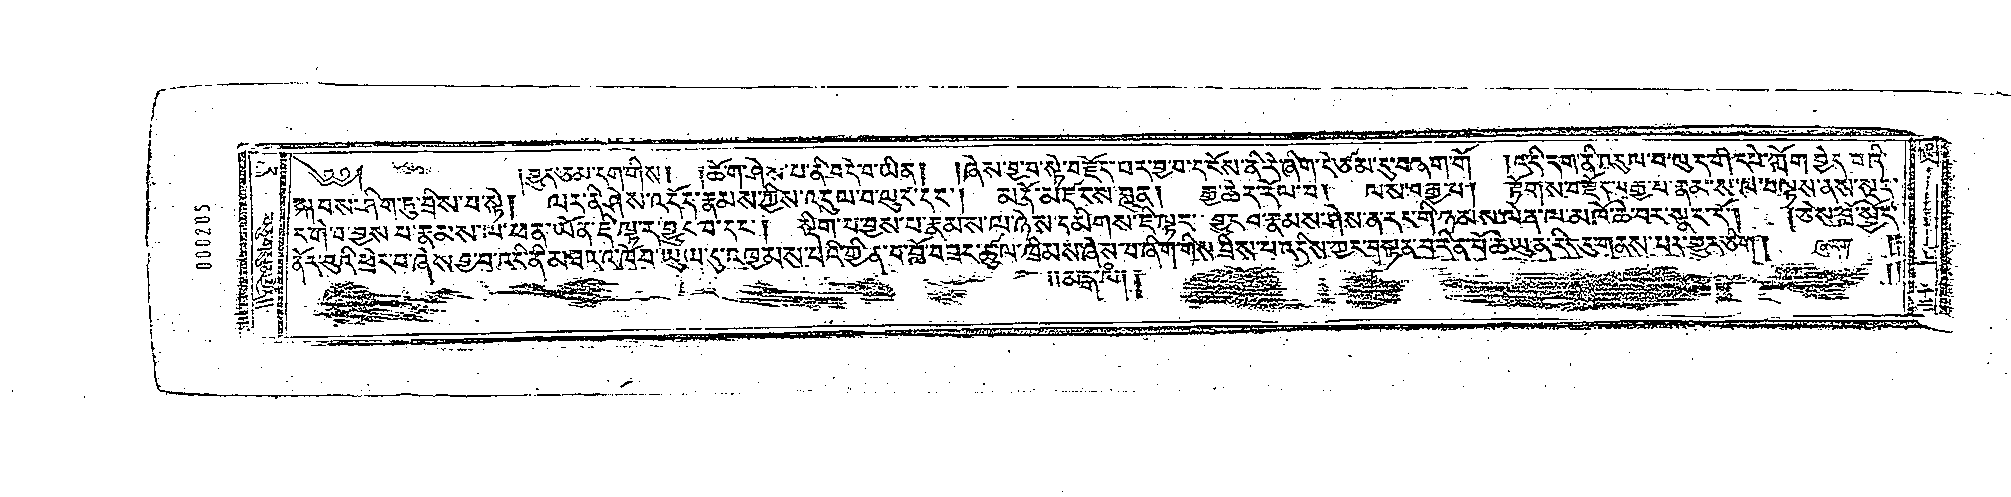༄༅། །བྱུང་ཙམ་དག་གིས། །ཆོག་ཤེས་པ་ནི་བདེ་བ་ཡིན། །ཞེས་བྱ་བ་སྟེ་བརྗོད་པར་བྱ་བ་དངོས་ནི་རེ་ཞིག་དེ་ཙམ་དུ་བཞག་གོ །འདི་དག་ནི་འདུལ་བ་ལུང་གི་དཔེ་ཀློག་བྱེད་བའི་
སྐབས་ཤིག་ཏུ་བྲིས་པ་སྟེ། ལར་ནི་ཤེས་འདོད་རྣམས་ཀྱིས་འདུལ་བ་ལུང་དང་། མདོ་མཛངས་བླུན། རྒྱ་ཆེར་རོལ་པ། ལས་བརྒྱ་པ། རྟོགས་བརྗོད་བརྒྱ་པ་རྣམས་ལ་བལྟས་ནས་སྔར་
དགེ་བ་བྱས་པ་རྣམས་ལ་ཕན་ཡོན་ཇི་ལྟར་བྱུང་བ་དང་། སྡིག་པ་བྱས་པ་རྣམས་ལ་ཉེས་དམིགས་ཇི་ལྟར་བྱུང་བ་རྣམས་ཤེས་ན་རང་གི་ཉམས་ལེན་ལ་མཁོ་ཆེ་བར་སྣང་ངོ། །ཅེས་བློ་སྦྱོད་
ནོར་བུའི་ཕྲེང་བ་ཞེས་བྱ་བ་འདི་ནི་མཐའ་འཁོབ་ཡུལ་དུ་འཁྱམས་པའི་གྱིན་པ་བློ་བཟང་ཚུལ་ཁྲིམས་ཞེས་པ་ཞིག་གིས་བྲིས་པ་འདིས་ཀྱང་བསྟན་བ་རིན་པོ་ཆེ་ཡུན་རིང་དུ་གནས་པར་གྱུར་ཅིག། ཞུ་བདག །།
།།མངྒ་ལཾ།། །།